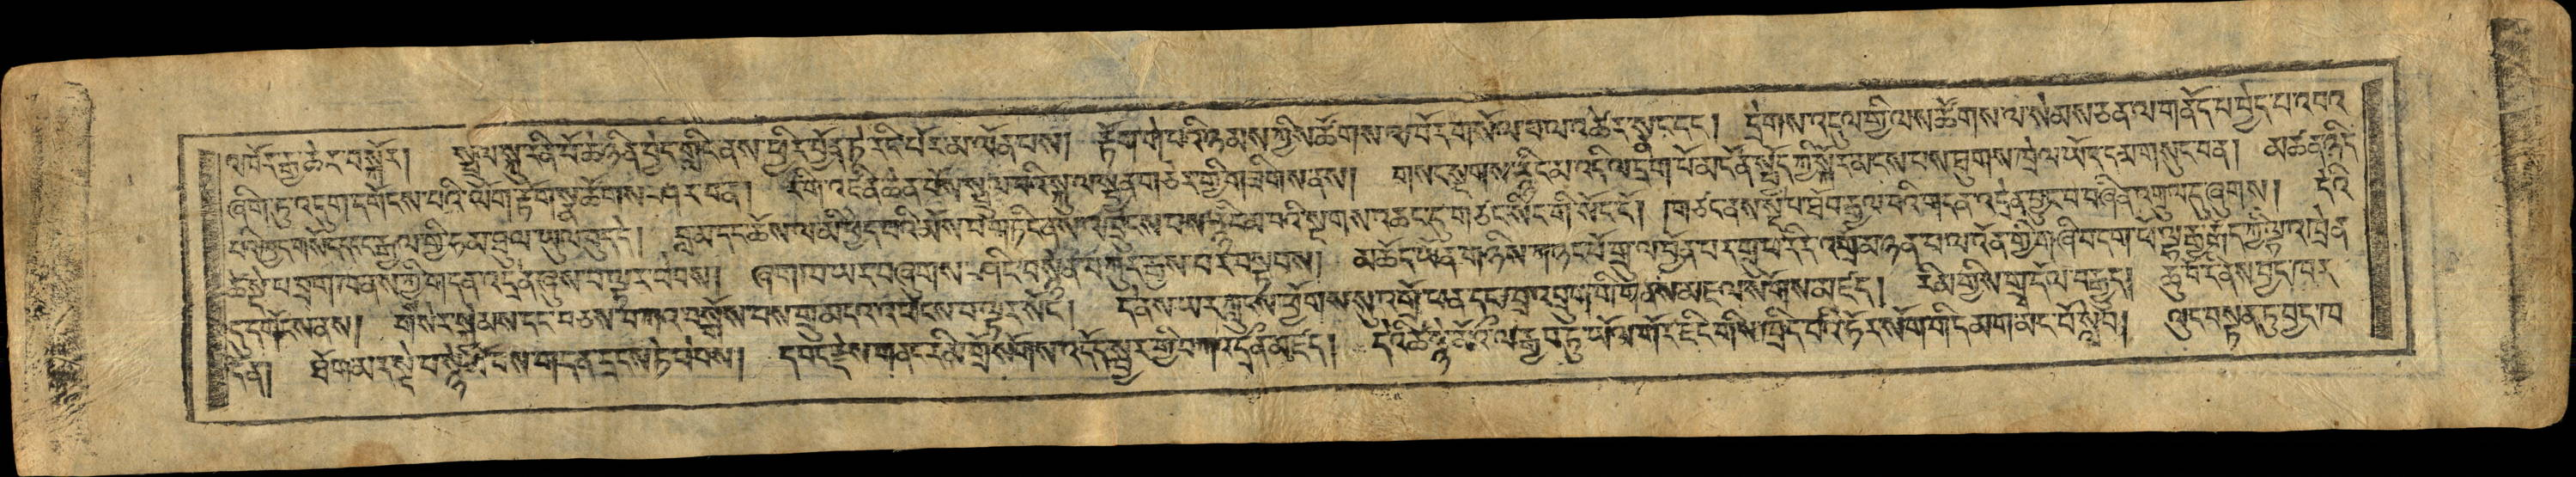འཁོར་རྒྱ་ཆེར་བསྐོར། སྤྲུལ་སྐུ་རིན་པོ་ཆེ་ཉིན་བྱེད་གླིང་ནས་ཕྱིར་བྱོན་ཏེ་རིང་པོར་མ་ལོན་པས། རྟོག་གེ་པའི་ཉམས་ཀྱིས་ཚོགས་འཁོར་གསོལ་བ་ལ་འཚེར་སྣང་དང་། དྲེགས་འདུལ་གྱི་ལས་ཚོགས་ལ་སེམས་ཅན་ལ་གནོད་པ་བྱེད་པ་འབའ་
ཞིག་ཏུ་འདུག་དགོངས་པའི་ལོག་རྟོག་སྣ་ཚོགས་ཤར་བ་ན། རིག་འཛིན་ཆེན་པོས་སྤྲུལ་པའི་སྐུ་ལ་སྤྱན་གཅེར་གྱི་གཟིགས་ནས། གསང་སྔགས་རྙིང་མ་འདི་ལ་དྲག་པོ་མངོན་སྤྱོད་ཀྱི་སྐོར་མངས་པས་ཐུགས་ཁྲེལ་ཡོད་དམ་གསུང་བ་ན། མཚན་ཉིད་
པའི་ཁྱད་གསོད་དང་ང་རྒྱལ་གྱི་ཧམ་ཐུལ་ཡུལ་བུད་དེ། བླ་མ་དང་ཆོས་ལ་མི་ཕྱེད་པའི་མོས་པ་གཏིང་ནས་འཁྲུངས་པས་རྙིང་མ་བའི་སྔགས་འཆང་དུ་གཙང་སིང་གི་སོང་ངོ། །གཙང་ནམ་སྡེ་པ་ཐོབ་རྒྱལ་བའི་གདན་འདྲེན་བྱུང་བ་བཞིན་འགྲུལ་དུ་ཞུགས། དེའི་
ཚེ་སྡེ་པ་བྲག་ཁ་ནས་ཀྱིས་གདན་འདྲེན་ཞུས་པ་ལྟར་ཕེབས། ཞག་ཁ་ཡར་བཞུགས་ཤིང་བསྙེན་བཀུར་རྒྱས་པར་བསྟབས། མཆོད་ཡོན་གཉིས་ཀ་ཉང་པོ་གྲུ་ལ་བྱོན་པར་གྲུ་ཕ་རིར་འགྲོ་མ་ཉན་པ་ལ་འོན་གྱི་གཞི་བདག་ཕོ་ལྷ་རྒྱ་རྒོད་ཀྱི་ལྷ་འཁྲེན་
དུ་དགོངས་ནས། གསེར་སྐྱེམས་དང་བཅས་བཀའ་བསྒོས་པས་གྲུ་མདའ་འཕངས་པ་ལྟར་སོང་། དེ་ནས་ཡར་ཀླུངས་ཕྱོགས་སུ་འགྲོ་ཕན་དང་ཁྲ་འབྲུག་གི་གནས་མཇལ་སོགས་མཛད། རིམ་གྱིས་གྲྭ་དོལ་བརྒྱུད། ཆུ་བོ་རི་ནས་བྱང་ཁར་
དོན། ཐོག་མར་སྡེ་པ་སྙེ་མོ་པས་གདན་དྲངས་ཏེ་ཕེབས། དབང་རྗེས་གནང་རིམ་གྲོ་སོགས་འདོད་སྦྱར་གྱི་བཀའ་དྲྀན་མཛད། དེའི་ཚེ་སྙེ་མོཨཱྀ་ལ་རྒྱབ་ཏུ་ཡོལ་གོར་ཇིང་གིས་ཁྲིད་པའི་ཧོར་སོག་གི་དམག་མང་པོ་སླེབ། ལུང་བསྟན་ཏུ་བྱང་ཁ་